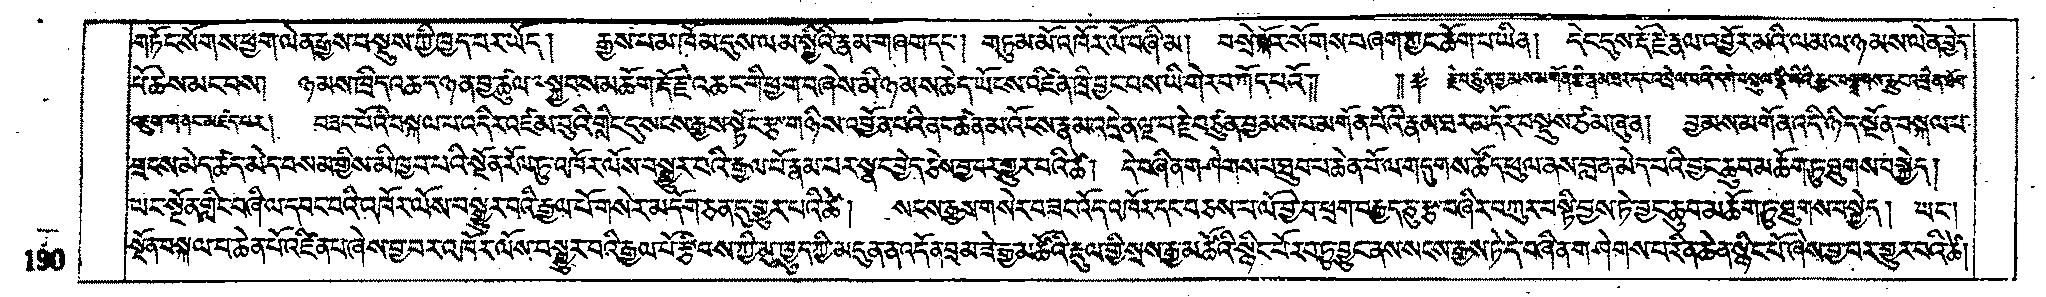གཏོང་སོགས་ཕྱག་ལེན་རྒྱས་བསྡུས་ཀྱི་ཁྱད་པར་ཡོད། རྒྱས་པ་མ་ཁོམ་དུས་ལམ་སྤྱིའི་རྣམ་གཞག་དང་། གཏུམ་མོ་འཁོར་ལོ་བཞི་མ། བསྲེ་སྐོར་སོགས་བཞག་ཀྱང་ཆོག་པ་ཡིན། དེང་དུས་རྡོ་རྗེ་རྣལ་འབྱོར་མའི་ལམ་ལ་ཉམས་ལེན་བྱེད་
པོ་ཆེས་མང་བས། ཉམས་ཁྲིད་འཆད་ཉན་བྱ་ཚུལ ༧སྐྱབས་མཆོག་རྡོ་རྗེ་འཆང་གི་ཕྱག་བཞེས་མི་ཉམས་ཆེད་ཡོངས་འཛིན་ཁྲི་བྱང་པས་ཡི་གེར་བཀོད་པའོ།། །། འ་རྗེ་བཙུན་བྱམས་མགོན་གྱི་རྣམ་ཐར་དང་འབྲེལ་བའི་དགེ་བསྐུལ་ལྡེ་ཡིའི་རྒྱང་བསྒྲགས་རླུང་འཕྲིན་ཐོག་
འཇུག་གནང་མཛད་པར། བཟང་པོའི་བསྐལ་པ་འདིར་འཛམ་བུའི་གླིང་དུ་སངས་རྒྱས་སྟོང་རྩ་གཉིས་འབྱོན་པའི་ནང་ཚན་མ་འོངས་རྣམ་འདྲེན་ལྔ་པ་རྗེ་བཙུན་བྱམས་པ་མགོན་པོའི་རྣམ་ཐར་མདོར་བསྡུས་ཙམ་ཞུ་ན། བྱམས་མགོན་འདི་ཉིད་སྔོན་བསྐལ་པ་
གྲངས་མེད་ཚད་མེད་བསམ་གྱིས་མི་ཁྱབ་པའི་སྔོན་རོལ་ཏུ་འཁོར་ལོས་བསྒྱུར་བའི་རྒྱལ་པོ་རྣམ་པར་སྣང་བྱེད་ཅེས་བྱ་བར་གྱུར་པའི་ཚེ། དེ་བཞིང་ཤེགས་པ་ཐུབ་ཆེན་པོ་ལ་གདུགས་ཚོད་ཕུལ་ནས་བླ་ན་མེད་པའི་བྱང་ཆུབ་མཆོག་ཏུ་ཐུགས་བསྐྱེད།
ཡང་སྔོན་གླིང་བཞི་ལ་དབང་བའི་འཁོར་ལོས་བསྒྱུར་བའི་རྒྱལ་པོ་གསེར་མདོག་ཅན་དུ་གྱུར་པའི་ཚེ། སངས་རྒྱས་གསེར་བཟང་འོད་འཁོར་དང་བཅས་པ་ལོ་བྱེ་བ་ཕྲག་བརྒྱད་ཅུ་རྩ་བཞིར་བཀུར་བསྟི་བྱས་ཏེ་བྱང་ཆུབ་མཆོག་ཏུ་ཐུགས་བསྐྱེད། ཡང་།
སྔོན་བསྐལ་པ་ཆེན་པོ་འཛིན་པ་ཞེས་བྱ་བར་འཁོར་ལོས་བསྒྱུར་བའི་རྒྱལ་པོ་རྩིབས་ཀྱི་མུ་ཁྱུད་ཀྱི་མདུན་ན་འདོན་བྲམ་ཟེ་རྒྱ་མཚོའི་རྡུལ་གྱི་སྲས་རྒྱ་མཚོའི་སྙིང་པོ་རབ་ཏུ་བྱུང་ནས་སངས་རྒྱས་ཏེ་དེ་བཞིན་གཤེགས་པ་རིན་ཆེན་སྙིང་པོ་ཞེས་བྱ་བར་གྱུར་པའི་ཚེ།